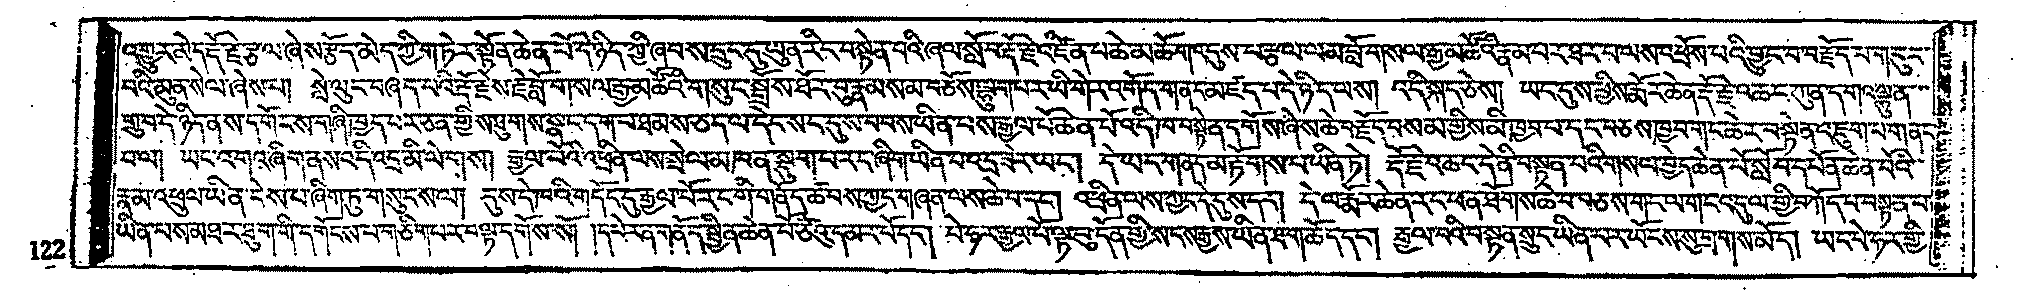འགྱུར་མེད་རྡོ་རྗེ་རྩལ་ཞེས་རྩོད་མེད་ཀྱི་གཏེར་སྟོན་ཆེན་པོ་དེ་ཉིད་ཀྱི་ཞབས་དྲུང་དུ་ཡུན་རིང་བསྟེན་པའི་ཞལ་སློབ་རྡོ་རྗེ་འཛིན་པ་ཆེ་མཆོག་འདུས་པ་རྩལ་ལམ་བློ་གསལ་རྒྱ་མཚོའི་རྣམ་པར་ཐར་པ་ལས་འཕྲོས་པའི་བྱུང་བ་བརྗོད་པ་གདུང་
བའི་མུན་སེལ་ཞེས་པ། སླེ་ལུང་བཞད་པའི་རྡོ་རྗེས་རྗེ་བློ་གསལ་རྒྱ་མཚོའི་གསུང་སྒྲོས་ཐོར་བུ་རྣམས་མ་བཅོས་ལྷུག་པར་ཡི་གེར་འགོད་གནང་མཛད་པ་དེ་ཉིད་ལས། འདི་སྐད་ཅེས། ཡང་དུས་ཕྱིས་རྨོར་ཆེན་རྡོ་རྗེ་འཆང་ཀུན་དགའ་ལྷུན་
གྲུབ་དེ་ཉིད་ནས་དགོངས་གཞི་ཁྱད་པར་ཅན་གྱིས་ཐུགས་སྣང་དག་པ་ཐམས་ཅད་ལ་དེང་སང་དུས་བབས་ཡིན་པས་རྒྱལ་པོ་ཆེན་པོ་འདི་ཁ་བསྟེན་དགོས་ཞེས་ཆེ་བརྗོད་བསམ་གྱིས་མི་ཁྱབ་པ་དང་བཅས་ཁྱབ་གང་ཆེར་བསྟེན་འཇུག་པ་གནང་
བ་ལ། ཡང་འགའ་ཞིག་ནས་འདི་འདྲ་མི་ལེགས། རྒྱལ་པོའི་འཕྲིན་ལས་སྤེལ་མཁན་སྡུག་པ་རང་ཞིག་ཡིན་པ་འདྲ་ཟེར་ཡང་། དེ་ཡང་གནད་མ་རྟོགས་པ་ཡིན་ཏེ། རྡོ་རྗེ་འཆང་དེ་ནི་བསྟན་པའི་གསལ་བྱེད་ཆེན་པོ་སློབ་དཔོན་ཆེན་པོའི་
རྣམ་འཕྲུལ་ཡིན་ངེས་པ་ཞིག་ཏུ་གསུངས་ལ། དུས་དེ་ཁའི་གདོང་དུ་རྒྱལ་པོ་རང་གི་གནོད་ཚབས་ཀྱང་གཞན་ལས་ཆེ་བ་དང་། འཕྲིན་ལས་ཀྱང་དེ་དུས་དར། དེ་ལ་རྨོར་ཆེན་རང་ཕན་ཐོགས་ཆེ་བ་བཅས་གང་ལ་གང་འདུལ་གྱི་བཀོད་པ་བསྟན་པ་
ཡིན་པས་མཐར་ཐུག་གི་དགོངས་པ་གཅིག་པར་བལྟ་དགོས་སོ། །དཔེར་ན་གནོད་སྦྱིན་ཆེན་པོ་ཙིའུ་དམར་པོ་དང་། པེ་ཧར་རྒྱལ་པོ་ལྟ་བུ་དོན་གྱི་སངས་རྒྱས་ཡིན་ཐག་ཆོད་དང་། རྒྱལ་བའི་བསྟན་སྲུང་ཡིན་པར་ཡོངས་སུ་གྲགས་མོད། ཡང་པེ་ཧར་གྱི་